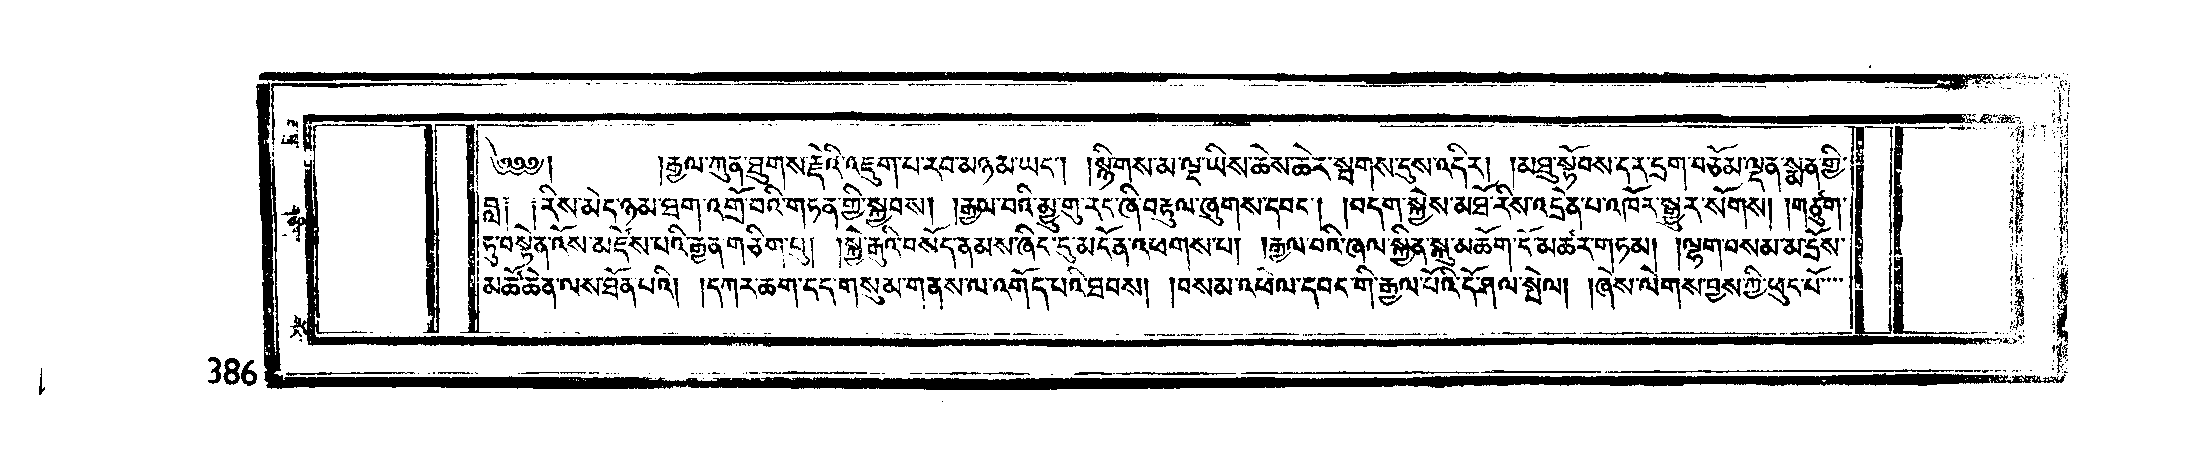༄༅། །རྒྱལ་ཀུན་ཐུགས་རྗེའི་འཇུག་པ་རབ་མཉམ་ཡང་། །སྙིགས་མ་ལྔ་ཡིས་ཆེས་ཆེར་སྦགས་དུས་འདིར། །མཐུ་སྟོབས་དར་དྲག་བཅོམ་ལྡན་སྨན་གྱི་
བླ། །རིས་མེད་ཉམ་ཐག་འགྲོ་བའི་གཏན་གྱི་སྐྱབས། །རྒྱལ་བའི་མྱུ་གུ་རང་ཞི་བརྟུལ་ཞུགས་དབང་། །བདག་སྐྱེས་མཐོ་རིས་འདྲེན་པ་འཁོར་སྒྱུར་སོགས། །གཙུག་
ཏུ་བསྟེན་འོས་མཛེས་པའི་རྒྱན་གཅིག་པུ། །སྐྱེ་རྒུའི་བསོད་ནམས་ཞིང་དུ་མངོན་འཕགས་པ། །རྒྱལ་བའི་ཞལ་སྐྱིན་སྐུ་མཆོག་ངོ་མཚར་གཏམ། །ལྷག་བསམ་མ་དྲོས་
མཚོ་ཆེན་ལས་ཐོན་པའི། །དཀར་ཆག་དད་གསུམ་གནས་ལ་འགོད་པའི་ཐབས། །བསམ་འཕེལ་དབང་གི་རྒྱལ་པོའི་དོ་ཤལ་སྤེལ། །ཞེས་ལེགས་བྱས་ཀྱི་ཕུང་པོ་